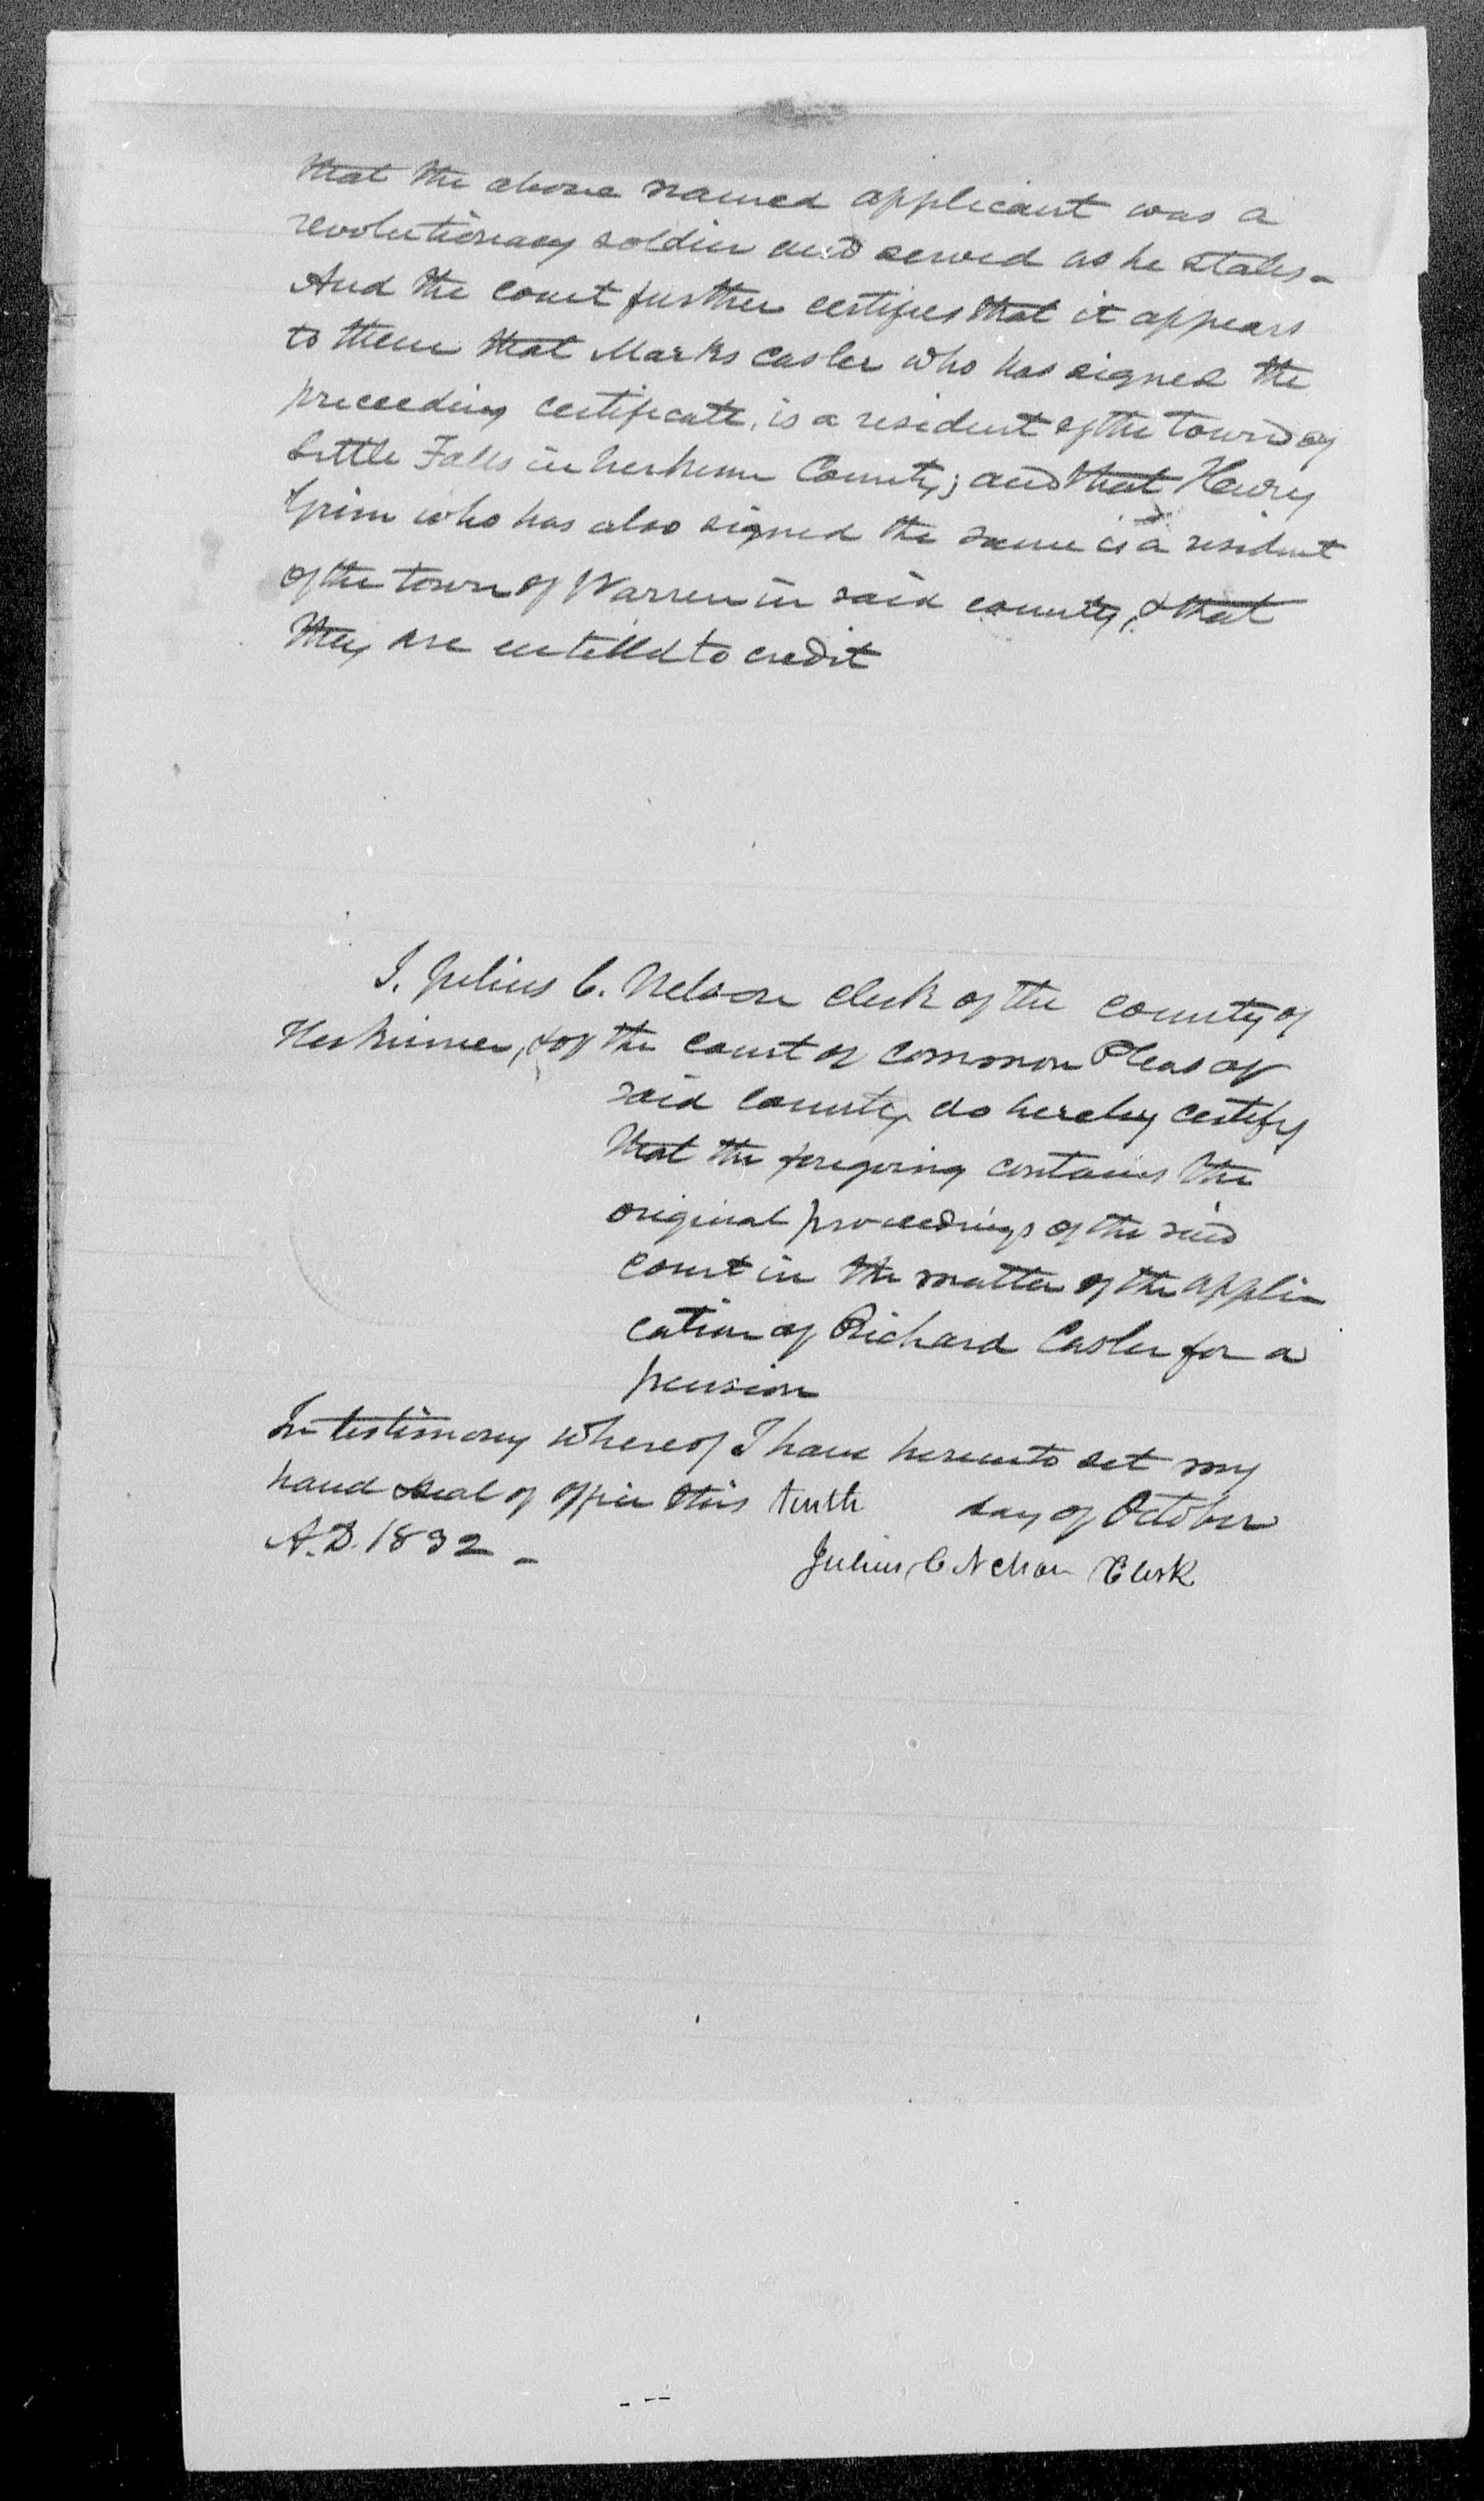that the above named applicant was a revolutionary soldier and served as he states - And the Court further certifies that it appears to them that Marks Casler who has signed the preceeding certificate, is a resident of the town of Little Falls in Herkimer County; and that Henry Grim who has also signed the same is a resident of the town of Warren in said county, & that they are entitled to credit 

I, Julius C. Nelson Clerk of the County of Herkimer & of the Court of Common Pleas of said County do hereby certify that the foregoing contains the original proceedings of the said Court in the matter of the application of Richard Casler for a pension 
In testimony whereof I have hereunto set my hand & seal of office this tenth day of October A.D. 1832 
[signed] Julius C Nelson Clerk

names: Julius C Nelson, Julius C Nelson, Henry Grim, Richard Casler, Marks Casler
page: 10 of 66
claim: widow's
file: W. 6637, Richard Caslar, New York